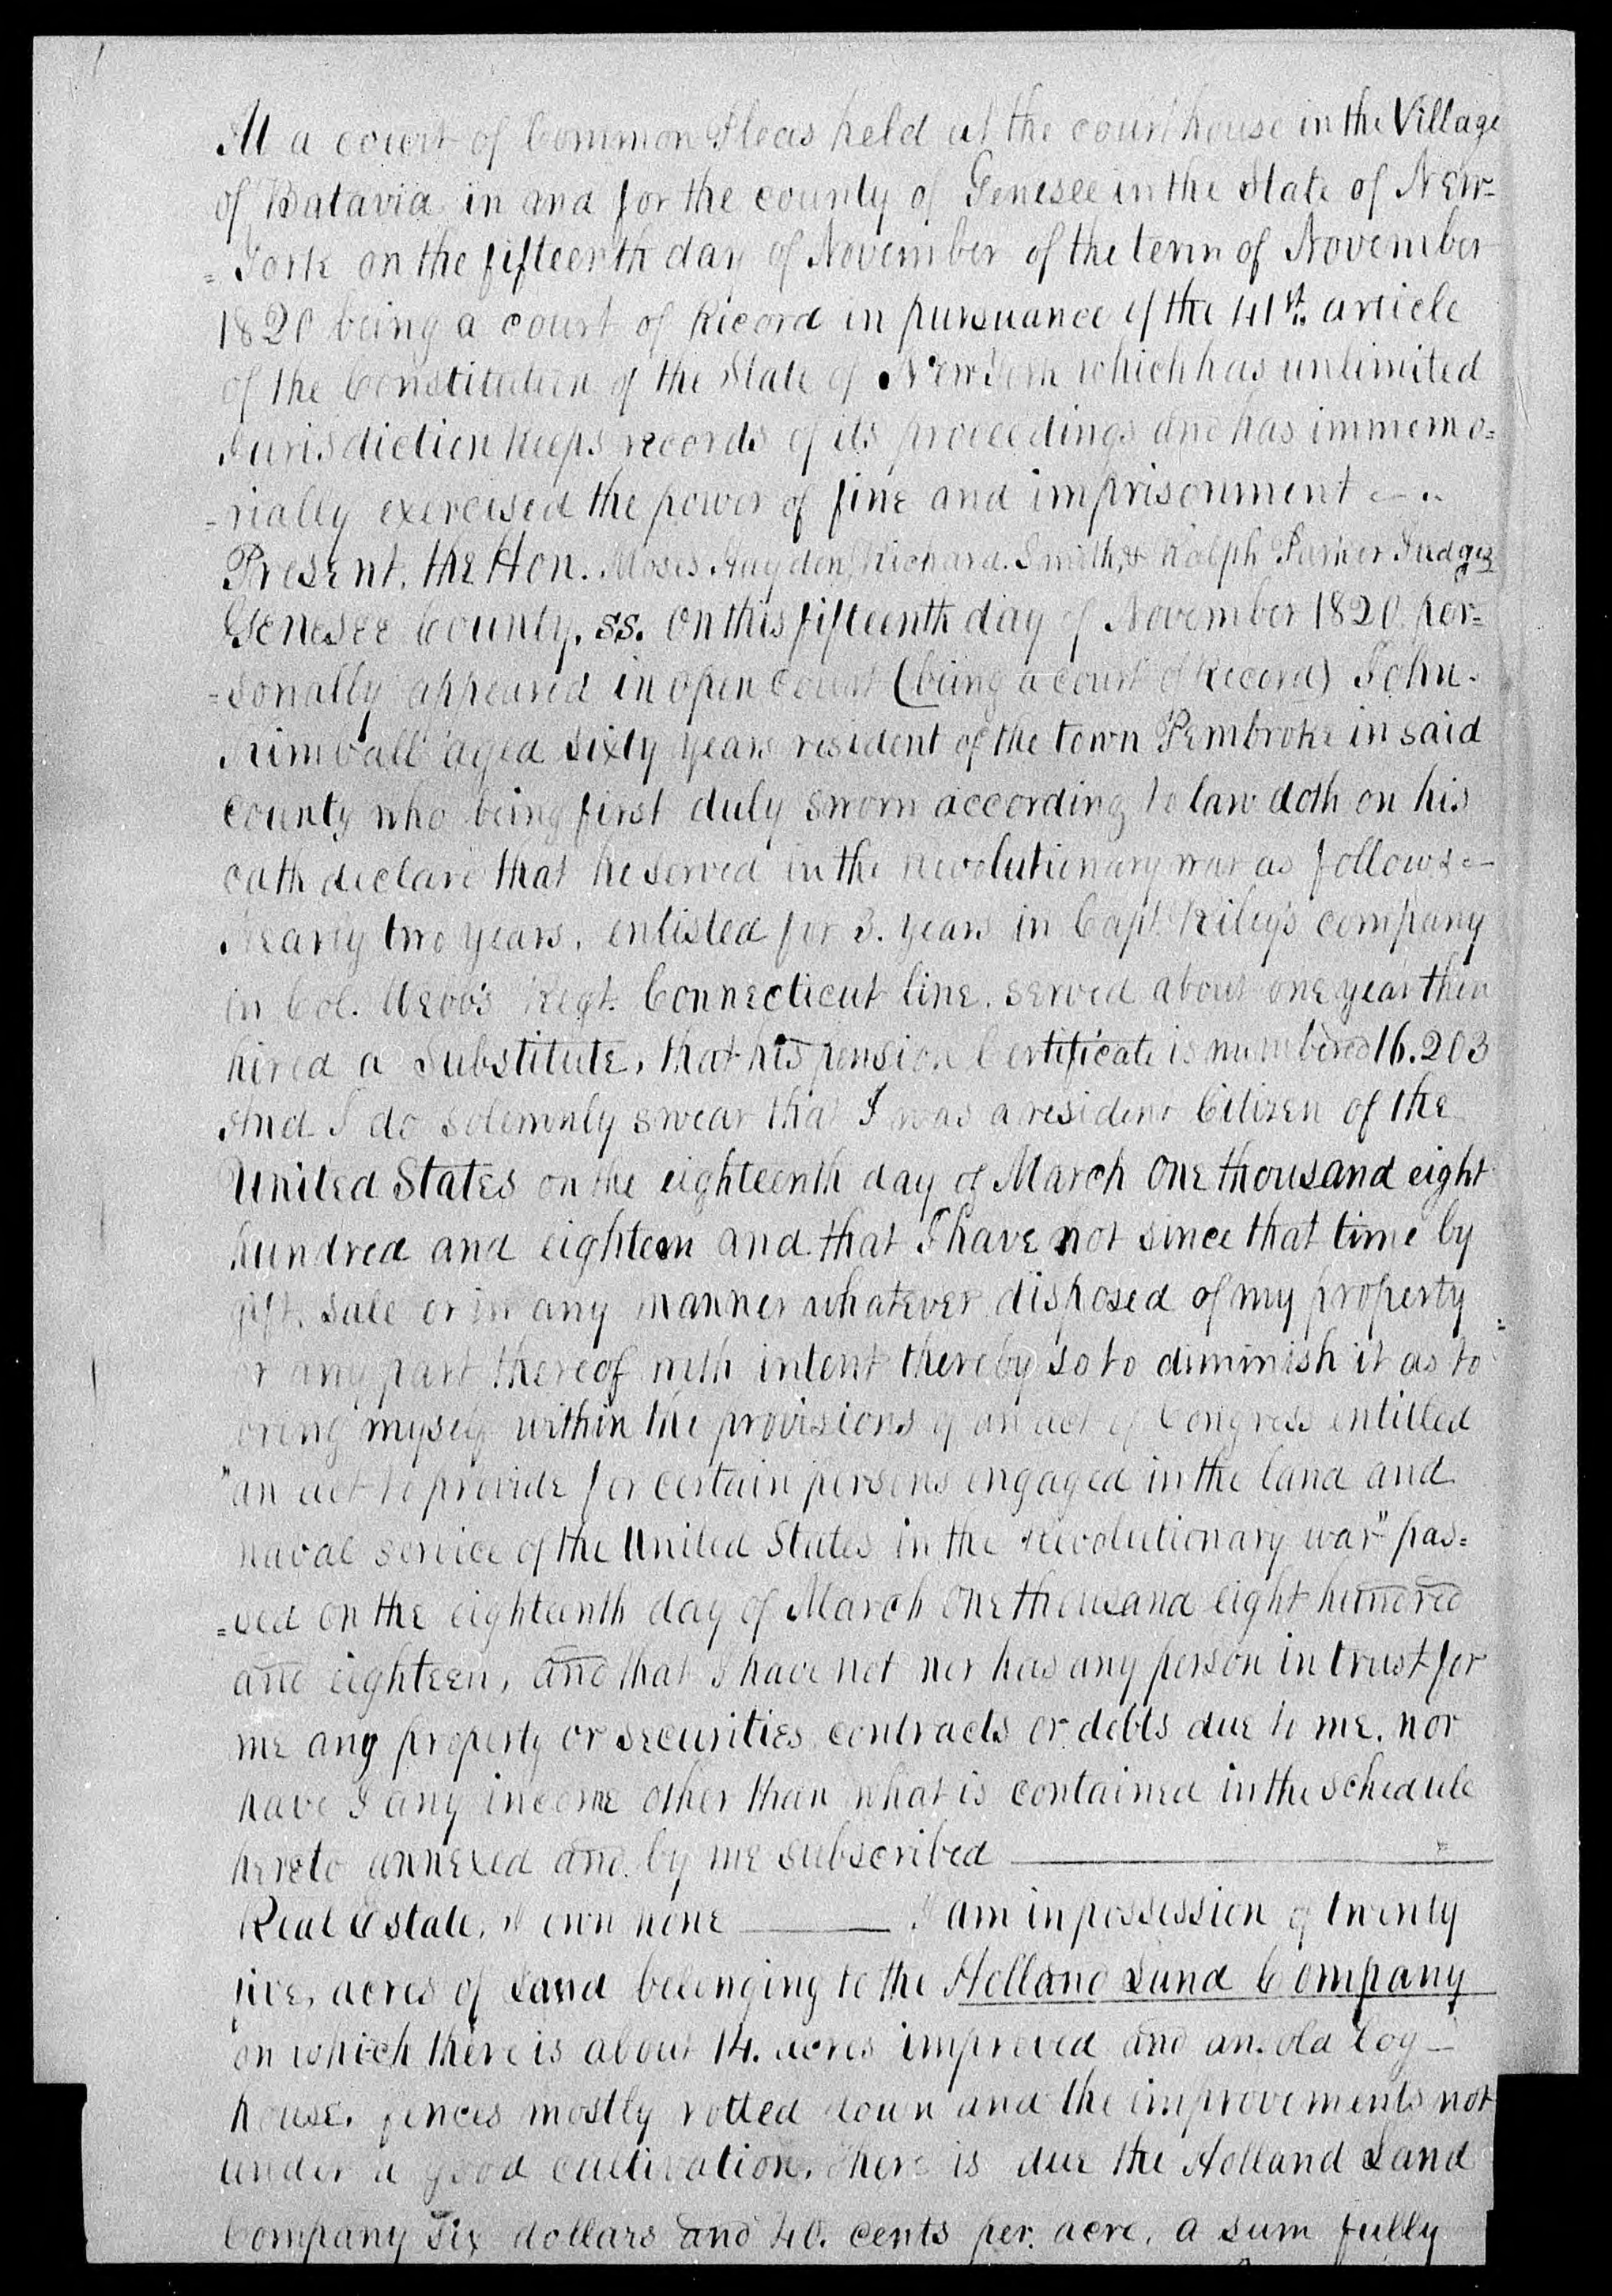At a court of Common Pleas held at the courthouse in the Village of Batavia in and for the county of Genesee in the State of New York on the fifteenth day of November of the term of November 1820 being a court of Record in pursuance of the 41st article of the Constitution of the State of New York which has unlimited Jurisdiction keeps records of its proceedings and has immemorially exercised the power of imprisonment - Present the Hon. Moses Haydon, Richard Smith & Ralph Parker Judges Genesee County, SS. On this fifteenth day of November 1820, personally appeared in open court (being a court of Record) John Kimball aged sixty years resident of the town Pembroke in said county who being first duly sworn according to law doth on his oath declare that he served in the Revolutionary War as follows - Nearly two years, enlisted for 3 years in Capt. Riley's company in Col. Webb's Regt. Connecticut line, served about one year then hired a substitute that his pension Certificate is numbered 16.203 And I do solemnly swear that I was a resident Citizen of the United States on the eighteenth day of March one thousand eight hundred and eighteen and that I have not since that time by gift, sale or in any manner whatever disposed of my property or any part thereof with intent thereby so to diminish it as to bring myself within the provisions of an act of Congress entitled "an act to provide for certain persons engaged in the land and naval service of the United States in the Revolutionary war" passed on the eighteenth day of March one thousand eight hundred and eighteen, and that I have not nor has any person in trust for me any property or securities contracts or debts due to me, nor have I any income other than what is contained in the schedule hereto annexed and by me subscribed ____ Real Estate, I own none ____. am in possession of twenty five acres of land belonging to the Holland Land Company on which there is about 14. acres improved and an old log house, fences mostly rotted down and the improvements not under a good cultivation. There is due the Holland Land Company six dollars and 40 cents per acre, a sum fully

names: Moses Haydon; Richard Smith; Ralph Parker; John Kimball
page: 20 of 36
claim: survivor's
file: S. 42,792, for John Kimball, Connecticut